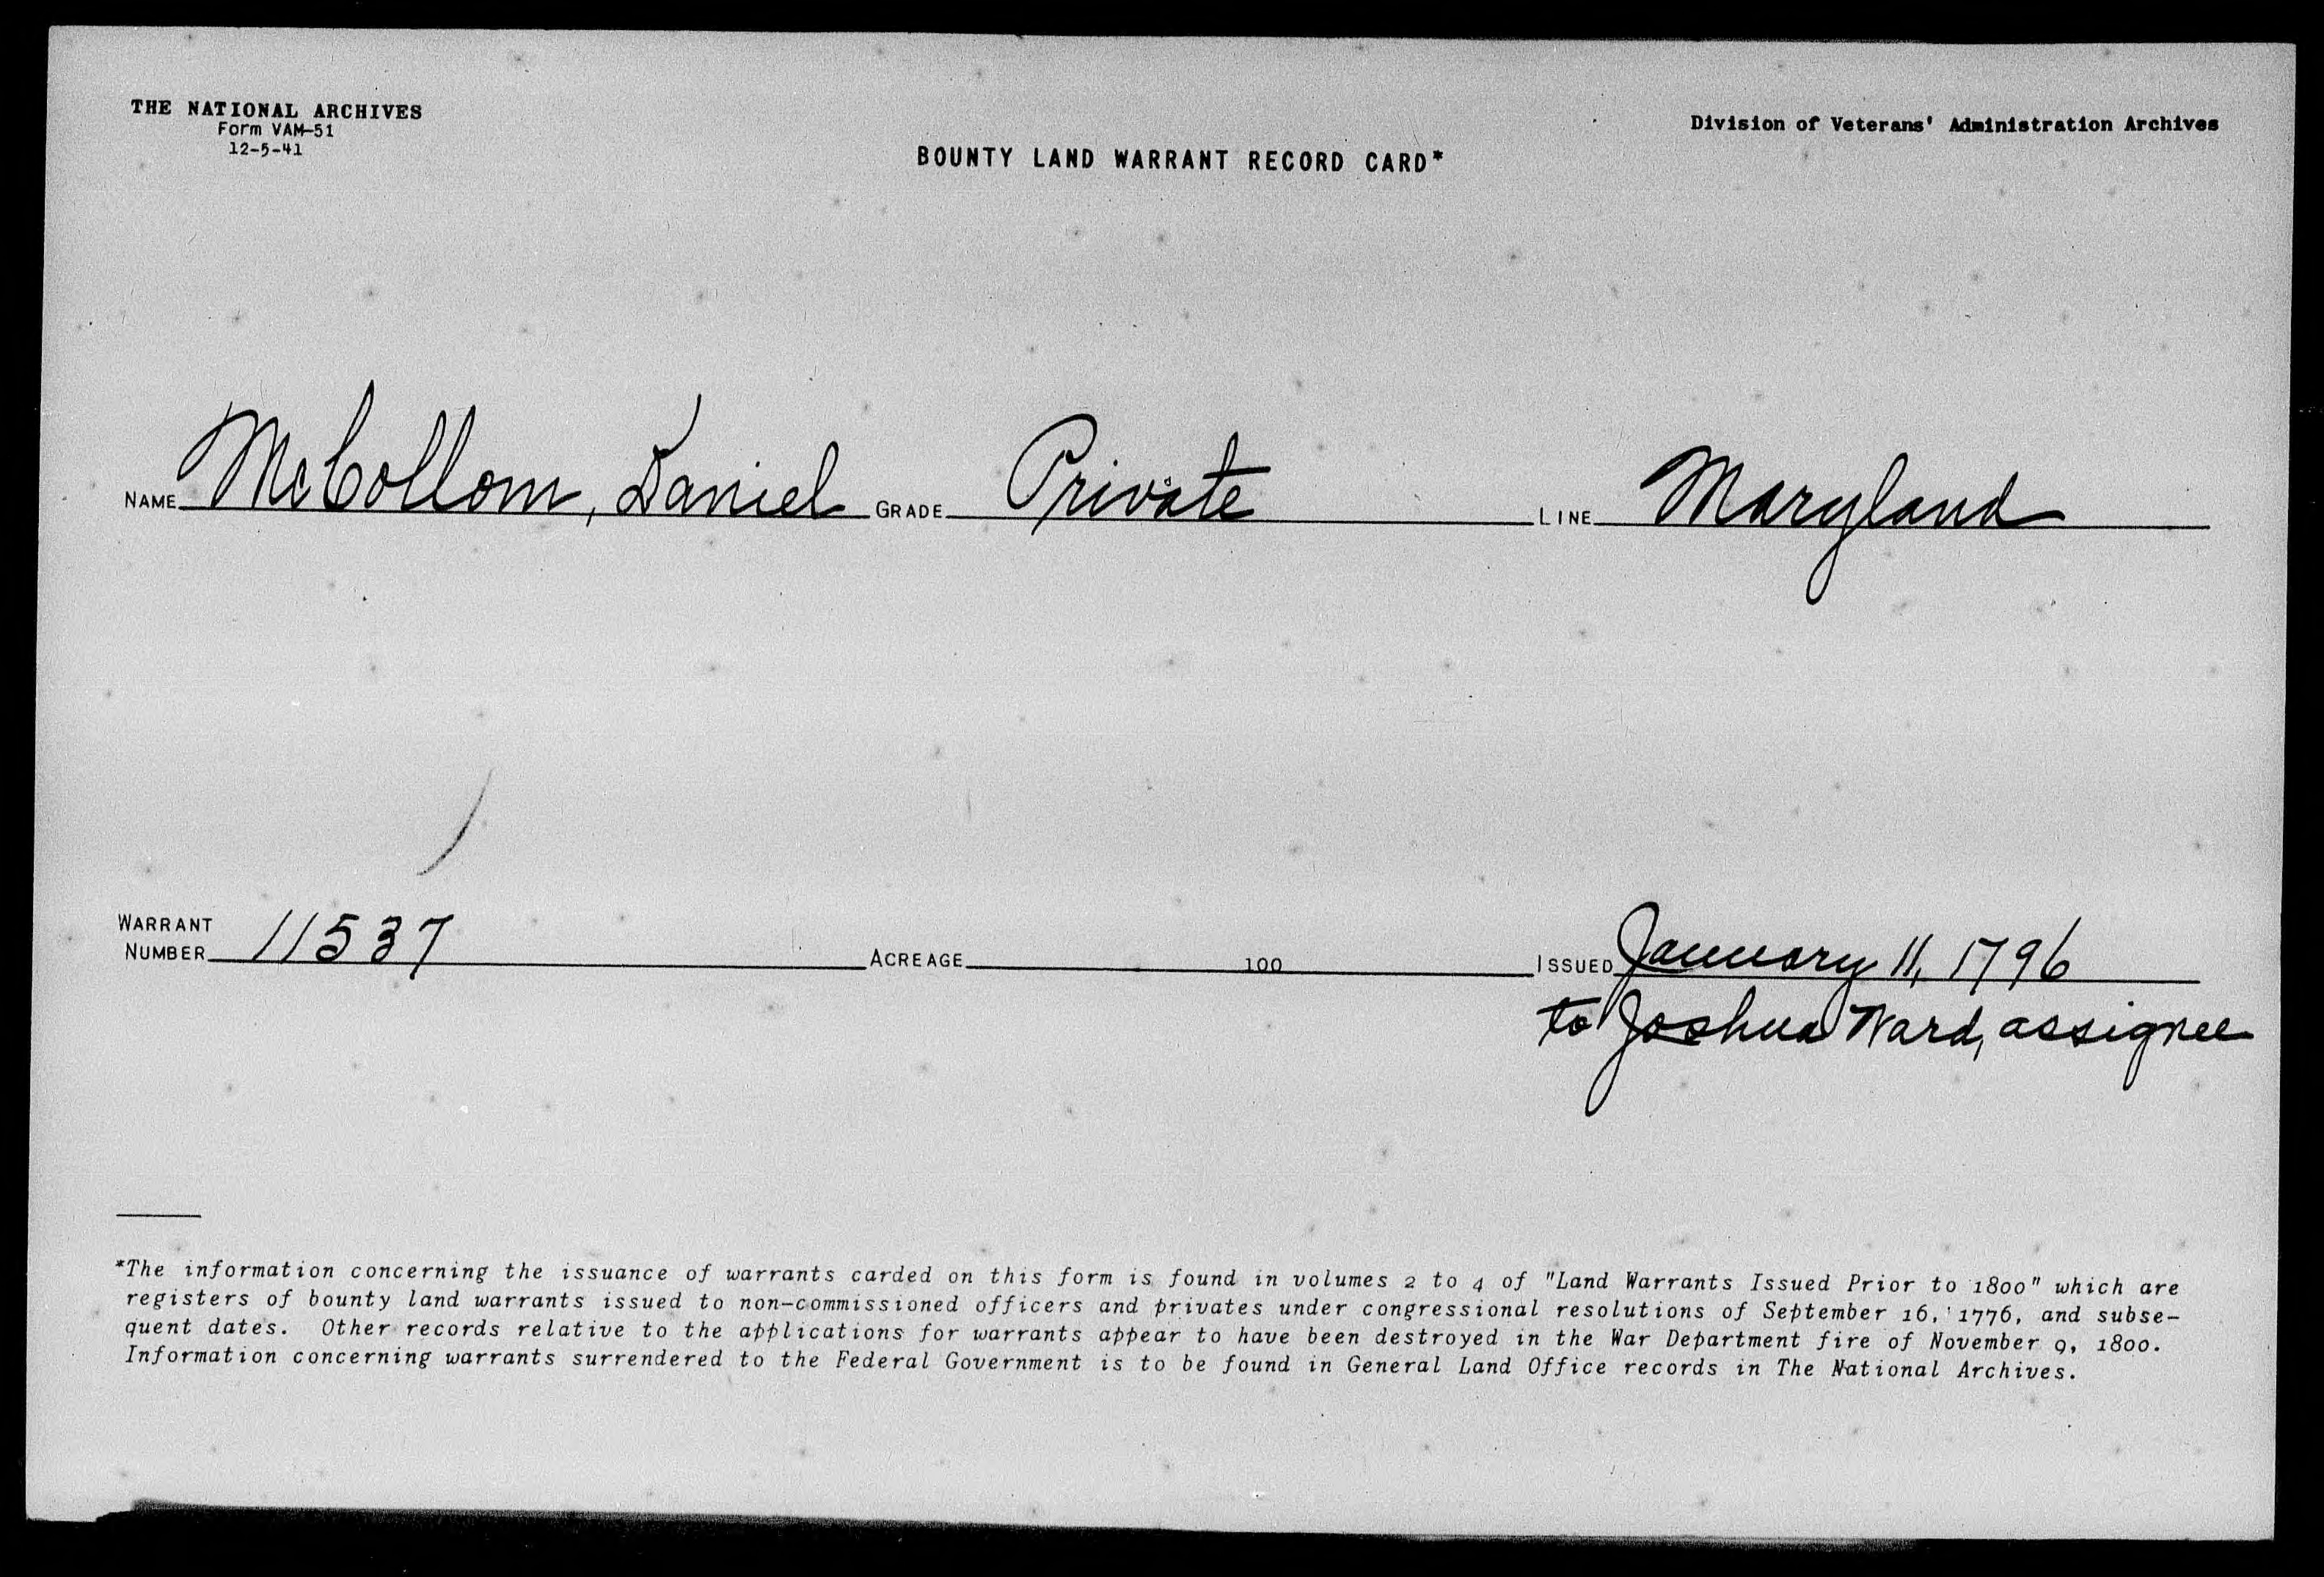THE NATIONAL ARCHIVES
Form VAM-51
12-5-41

Division of Veterans' Administration Archives

BOUNTY LAND WARRANT RECORD CARD*

NAME
[handwritten] McCollom, Daniel

GRADE
[handwritten] Private

LINE
[handwritten] Maryland

WARRANT NUMBER
[handwritten] 11537

ACREAGE 100

ISSUED
[handwritten] January 11, 1796
To Joshua Ward, assignee

___

*The information concerning the issuance of warrants carded on this form is found in volumes 2 to 4 of "Land Warrants Issued Prior to 1800" which are registers of bounty land warrants issued to non-commissioned officers and privates under congressional resolutions of September 16, 1776, and subsequent dates. Other records relative to the applications for warrants appear to have been destroyed in the War Department fire of November 9, 1800. Information concerning warrants surrendered to the Federal Government is to be found in General Land Office records in the National Archives.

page: 30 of 30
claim: widow's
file: W. 2146, for Joseph Mc Collock, Pennsylvania